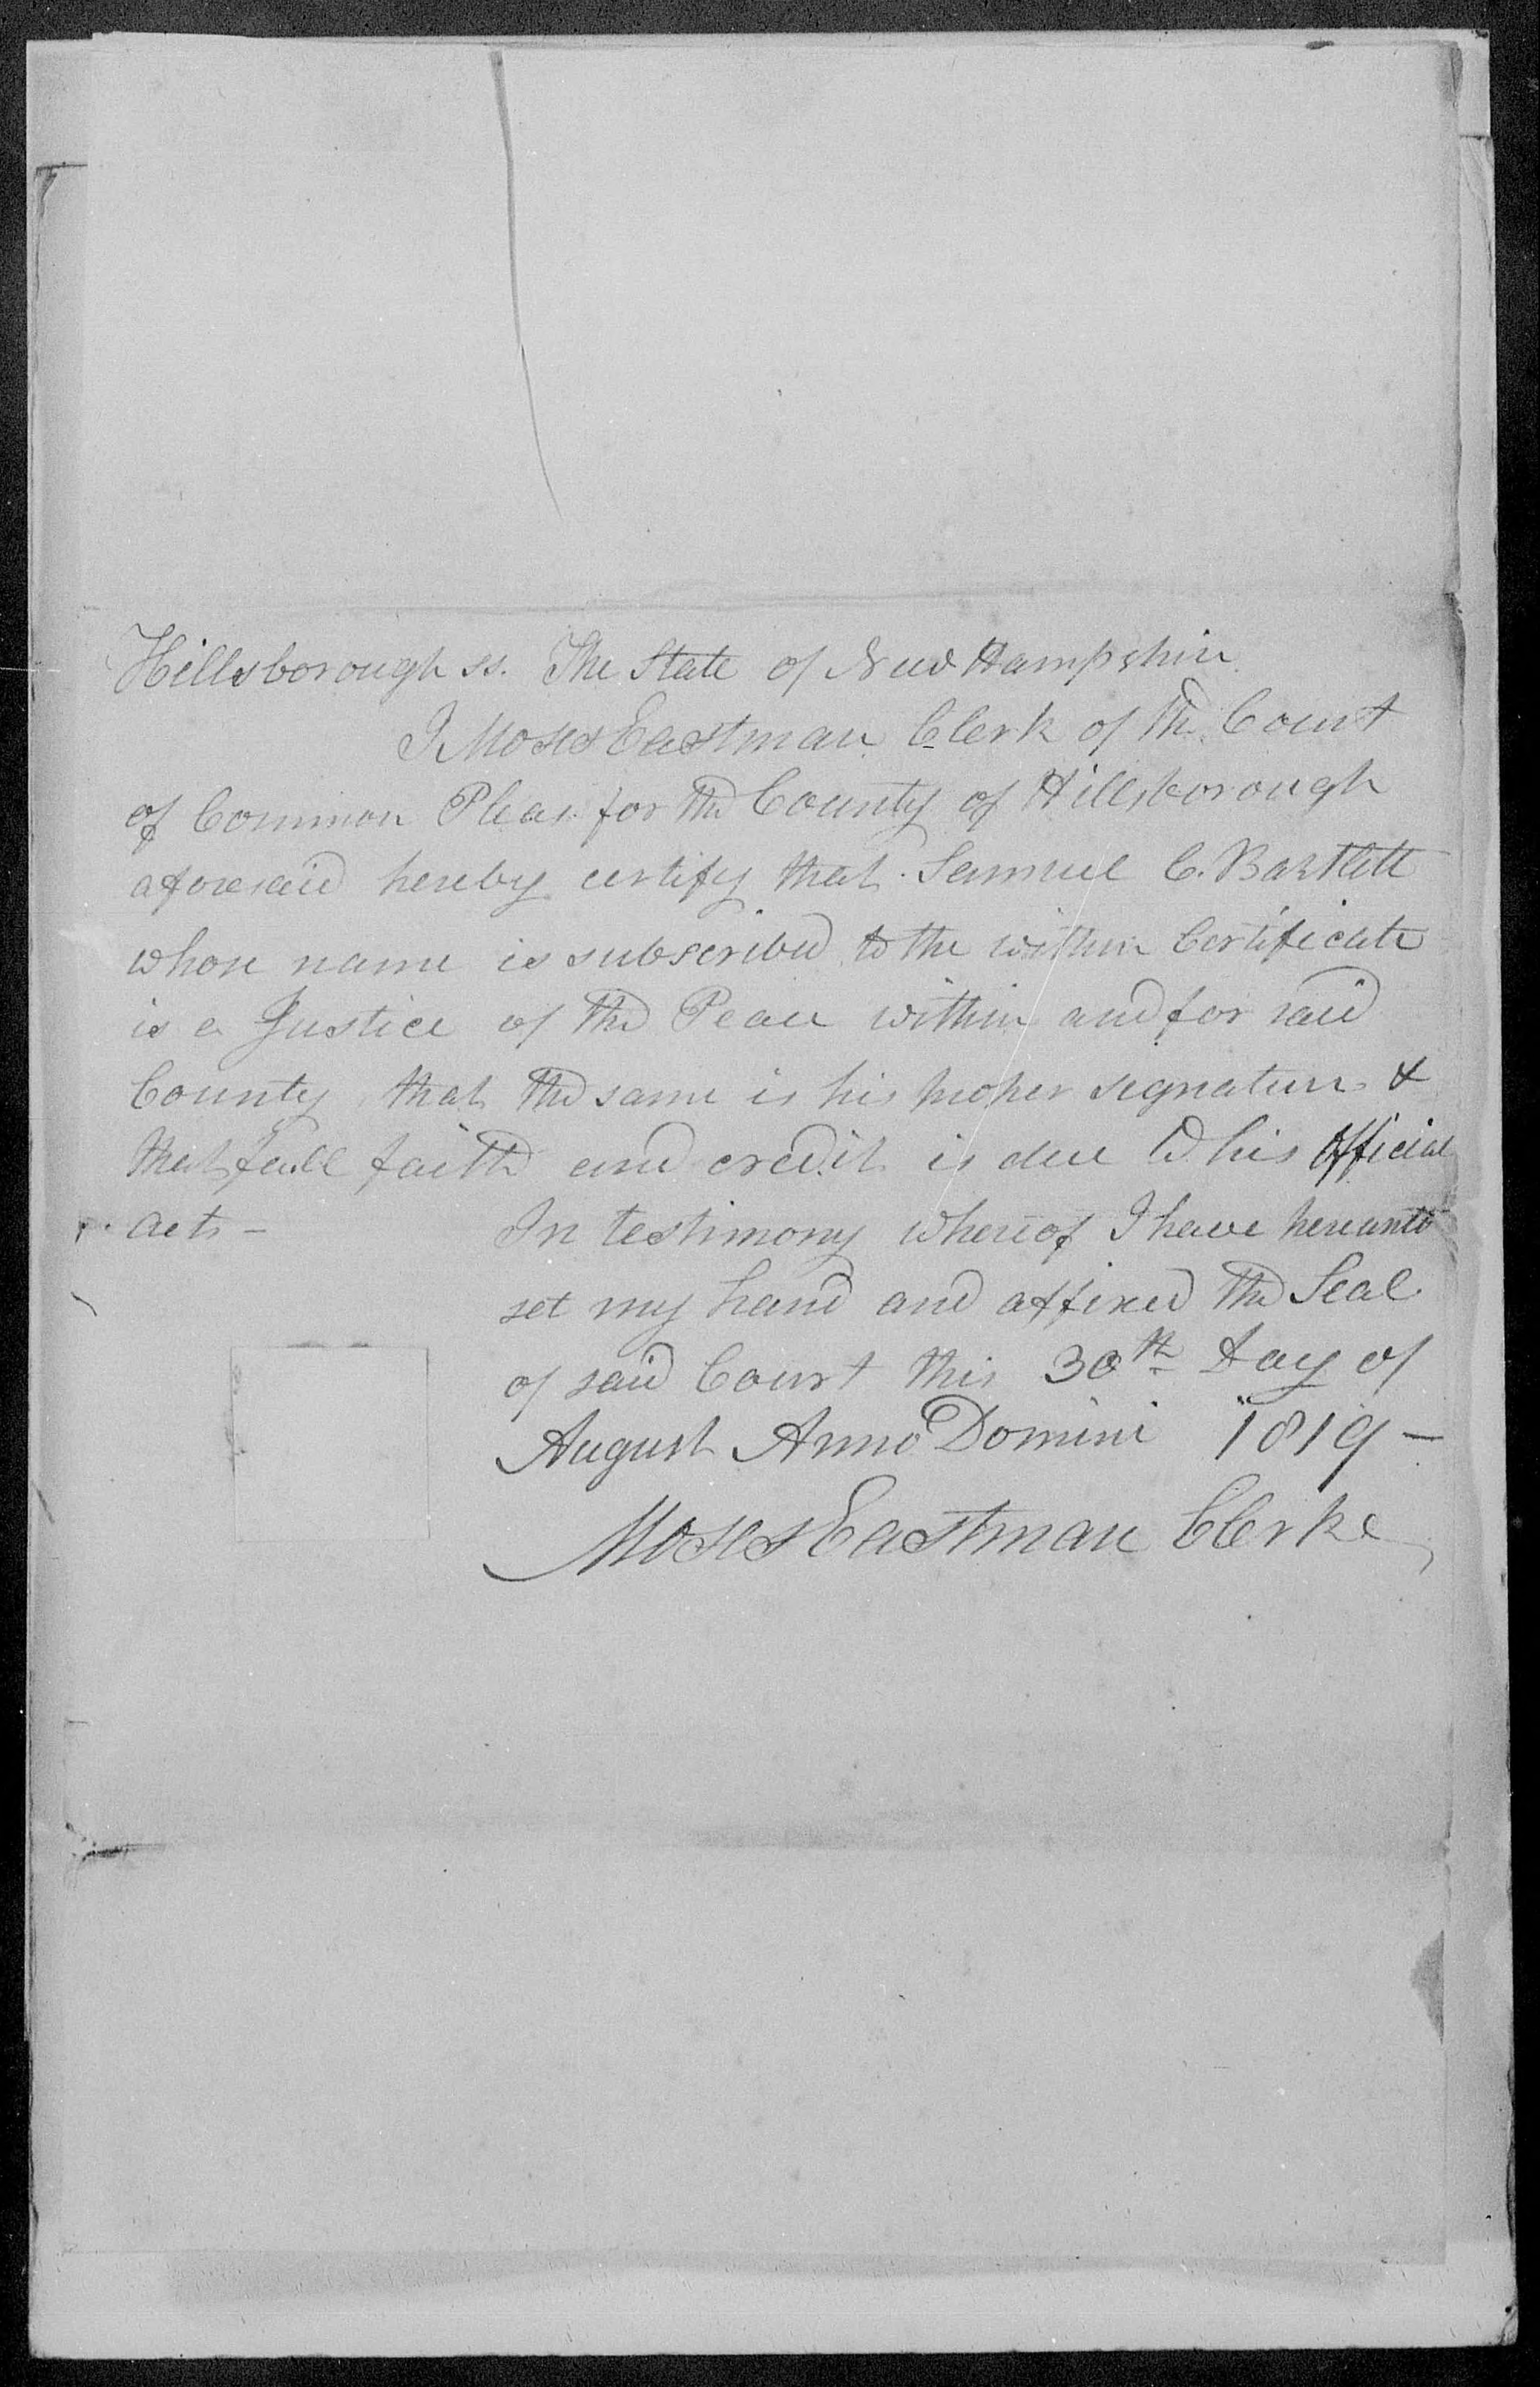Hillsborough ss. The State of New Hampshire I Moses Eastman Clerk of the Court
of Common Pleas for the County of Hillsborough
aforesaid hereby certify that Samuel C. Bartlett whose name is subscribed to the written Certificate is a Justice of the Peace within and for said County that the same is his proper signature and I
 full faith and credit is due to his official acts-
In testimony whereof I have hereunto set my hand
set my name and affixed the Seal of said Court this 30th day of [illegible] Anno Domini 1819-
Moses Eastman Clerk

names: Moses Eastman, Samuel C Bartlett, Moses Eastman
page: 17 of 22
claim: survivor's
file: S 44445, Jacob Hodsdon, Mass.